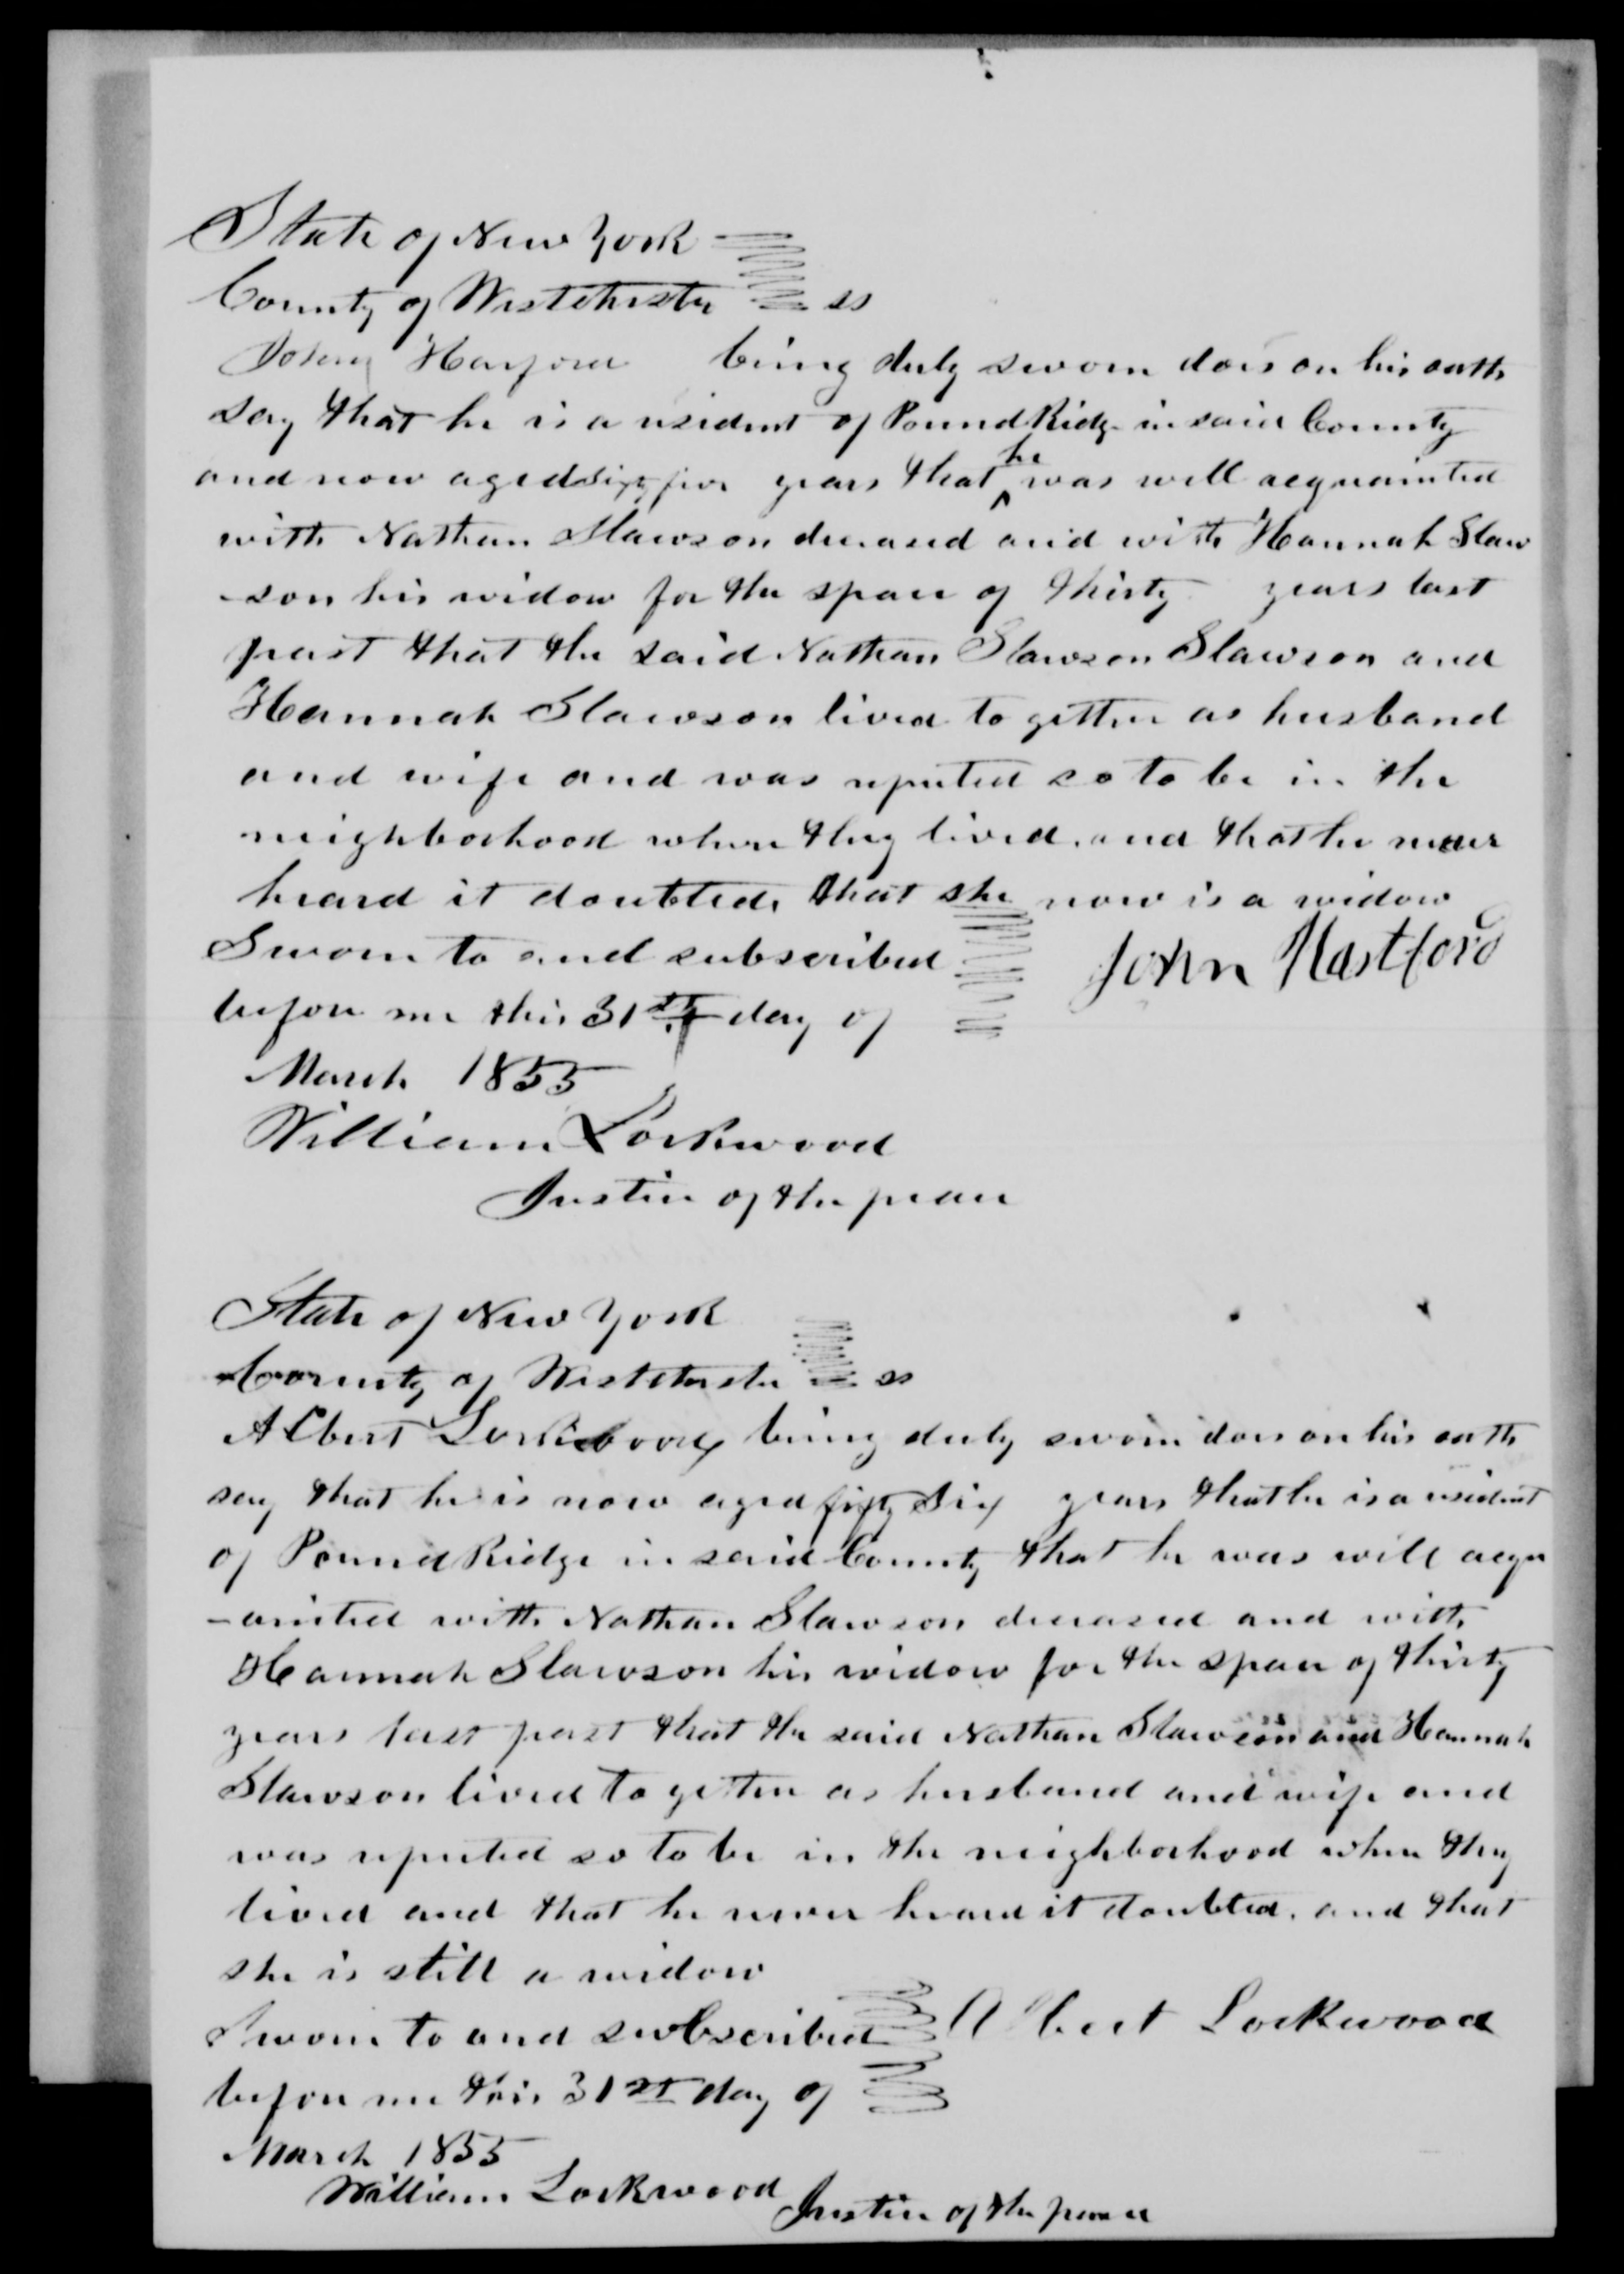State of New York  
County of Westchester} ss  John Hartford being duly sworn does on his oath say that he is a resident of Pound Ridge in said County and now aged sixty five years that he was well acquainted with Nathan Slawson deceased and with Hannah Slawson his widow for the space of thirty years last past that the said Nathan Slawson Slawson and Hannah Slawson lived together as husband and wife and was reputed so to be in the neighborhood where they lived, and that he never heard it doubted,   that she now is a widow – 
John Hartford
Sworn to and subscribed before me this 31 day of March 1855 
William Lockwood Justice of the peace  
State of New York 
County of Westchester} ss Albert Lockwood being duly sworn does on his oath say that he is now aged fifty six years that he is a resident of Pound Ridge in said County that he was will acquainted with Nathan Slawson deceased and with Hannah Slawson his widow for the space of thirty years last past that the said Nathan Slawson and Hannah Slawson lived together as husband and wife and was reputed so to be in the neighborhood when they lived and that he never heard it doubted, and that she is still a widow.
Albert Lockwood
 Sworn to and subscribed before me  this 31st day of March 1855 
William Lockwood Justice of the peace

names: Hannah Slawson; Hannah Slawson; Hannah Slawson; Hannah Slawson; William Lockwood; Nathan Slawson; Nathan Slawson; Nathan Slawson; John Harford; Albert Lockwood; John Hartford; Nathan Slawson; William Lockwood; Albert Lockwood; Nathan Slawson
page: 22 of 87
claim: widow's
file: W. 22,226, for Nathan Slawson, Connecticut